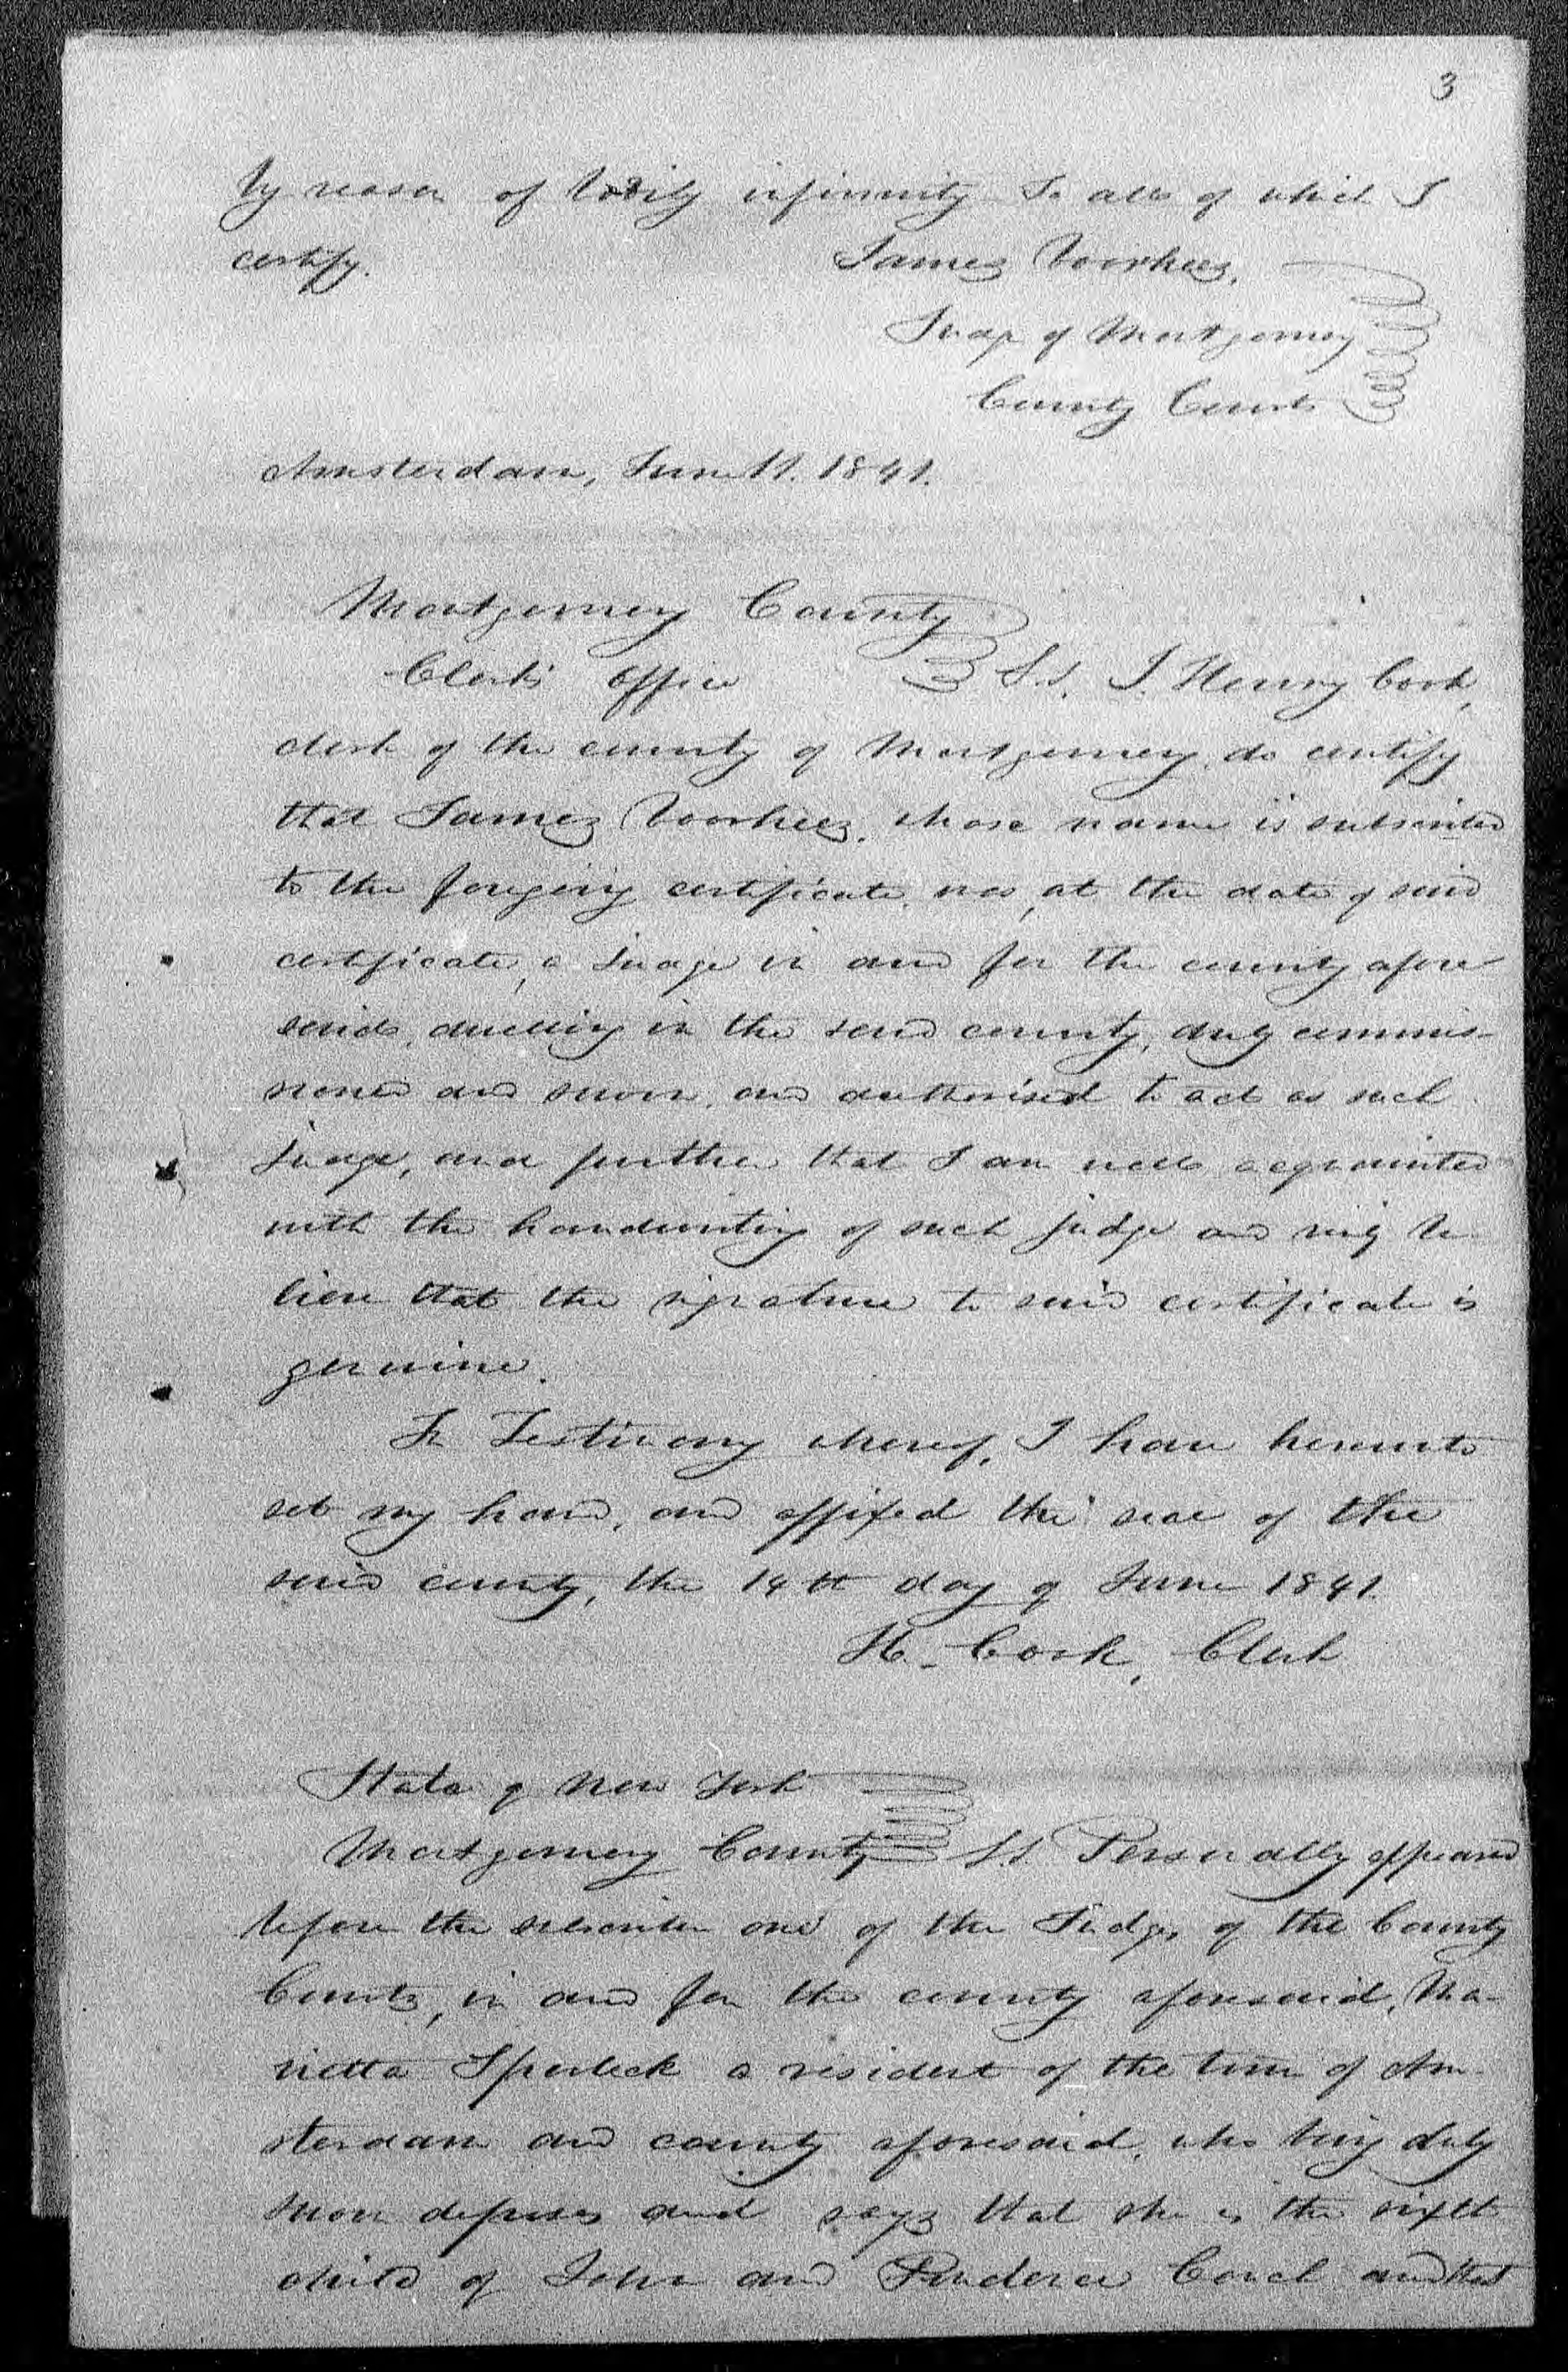by reason of bodily infirmity to all of which I certify.
James Voorhees
Judge of Montgomery County Courts

Amsterdam, June 11, 1841

Montgomery County Clerk's Office} ss.
I, Henry Cook, clerk of the county of Montgomery, do certify that James Voorhees, whose names is subscribed to the foregoing certificate, was at the date of said certificate, a Judge in and for the county aforesaid, dwelling in the said county, duly commissioned and sworn, and authorized to act as such judge, and further that I am well acquainted with the handwriting of such judge and [unk] believe that the signature to said certificate is genuine.

In Testimony whereof, I have hereunto set my hand, and affixed the seal of the said county, this 14th day of June 1841.
H. Cook, Clerk

State of New York
Montgomery County} ss. Personally appeared before the subscriber one of the Judges of the County Courts, in and for the county aforesaid, Marietta Sperlock a resident of the town of Amsterdam and county aforesaid, who being duly sworn deposes and says that she if the sixth child of John and Prudence Couch and that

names: James Voorhees, H Cook, James Voorhees, Prudence Couch, Henry Cook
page: 4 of 68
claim: rejected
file: R. 2,360, John Couch, Conn.